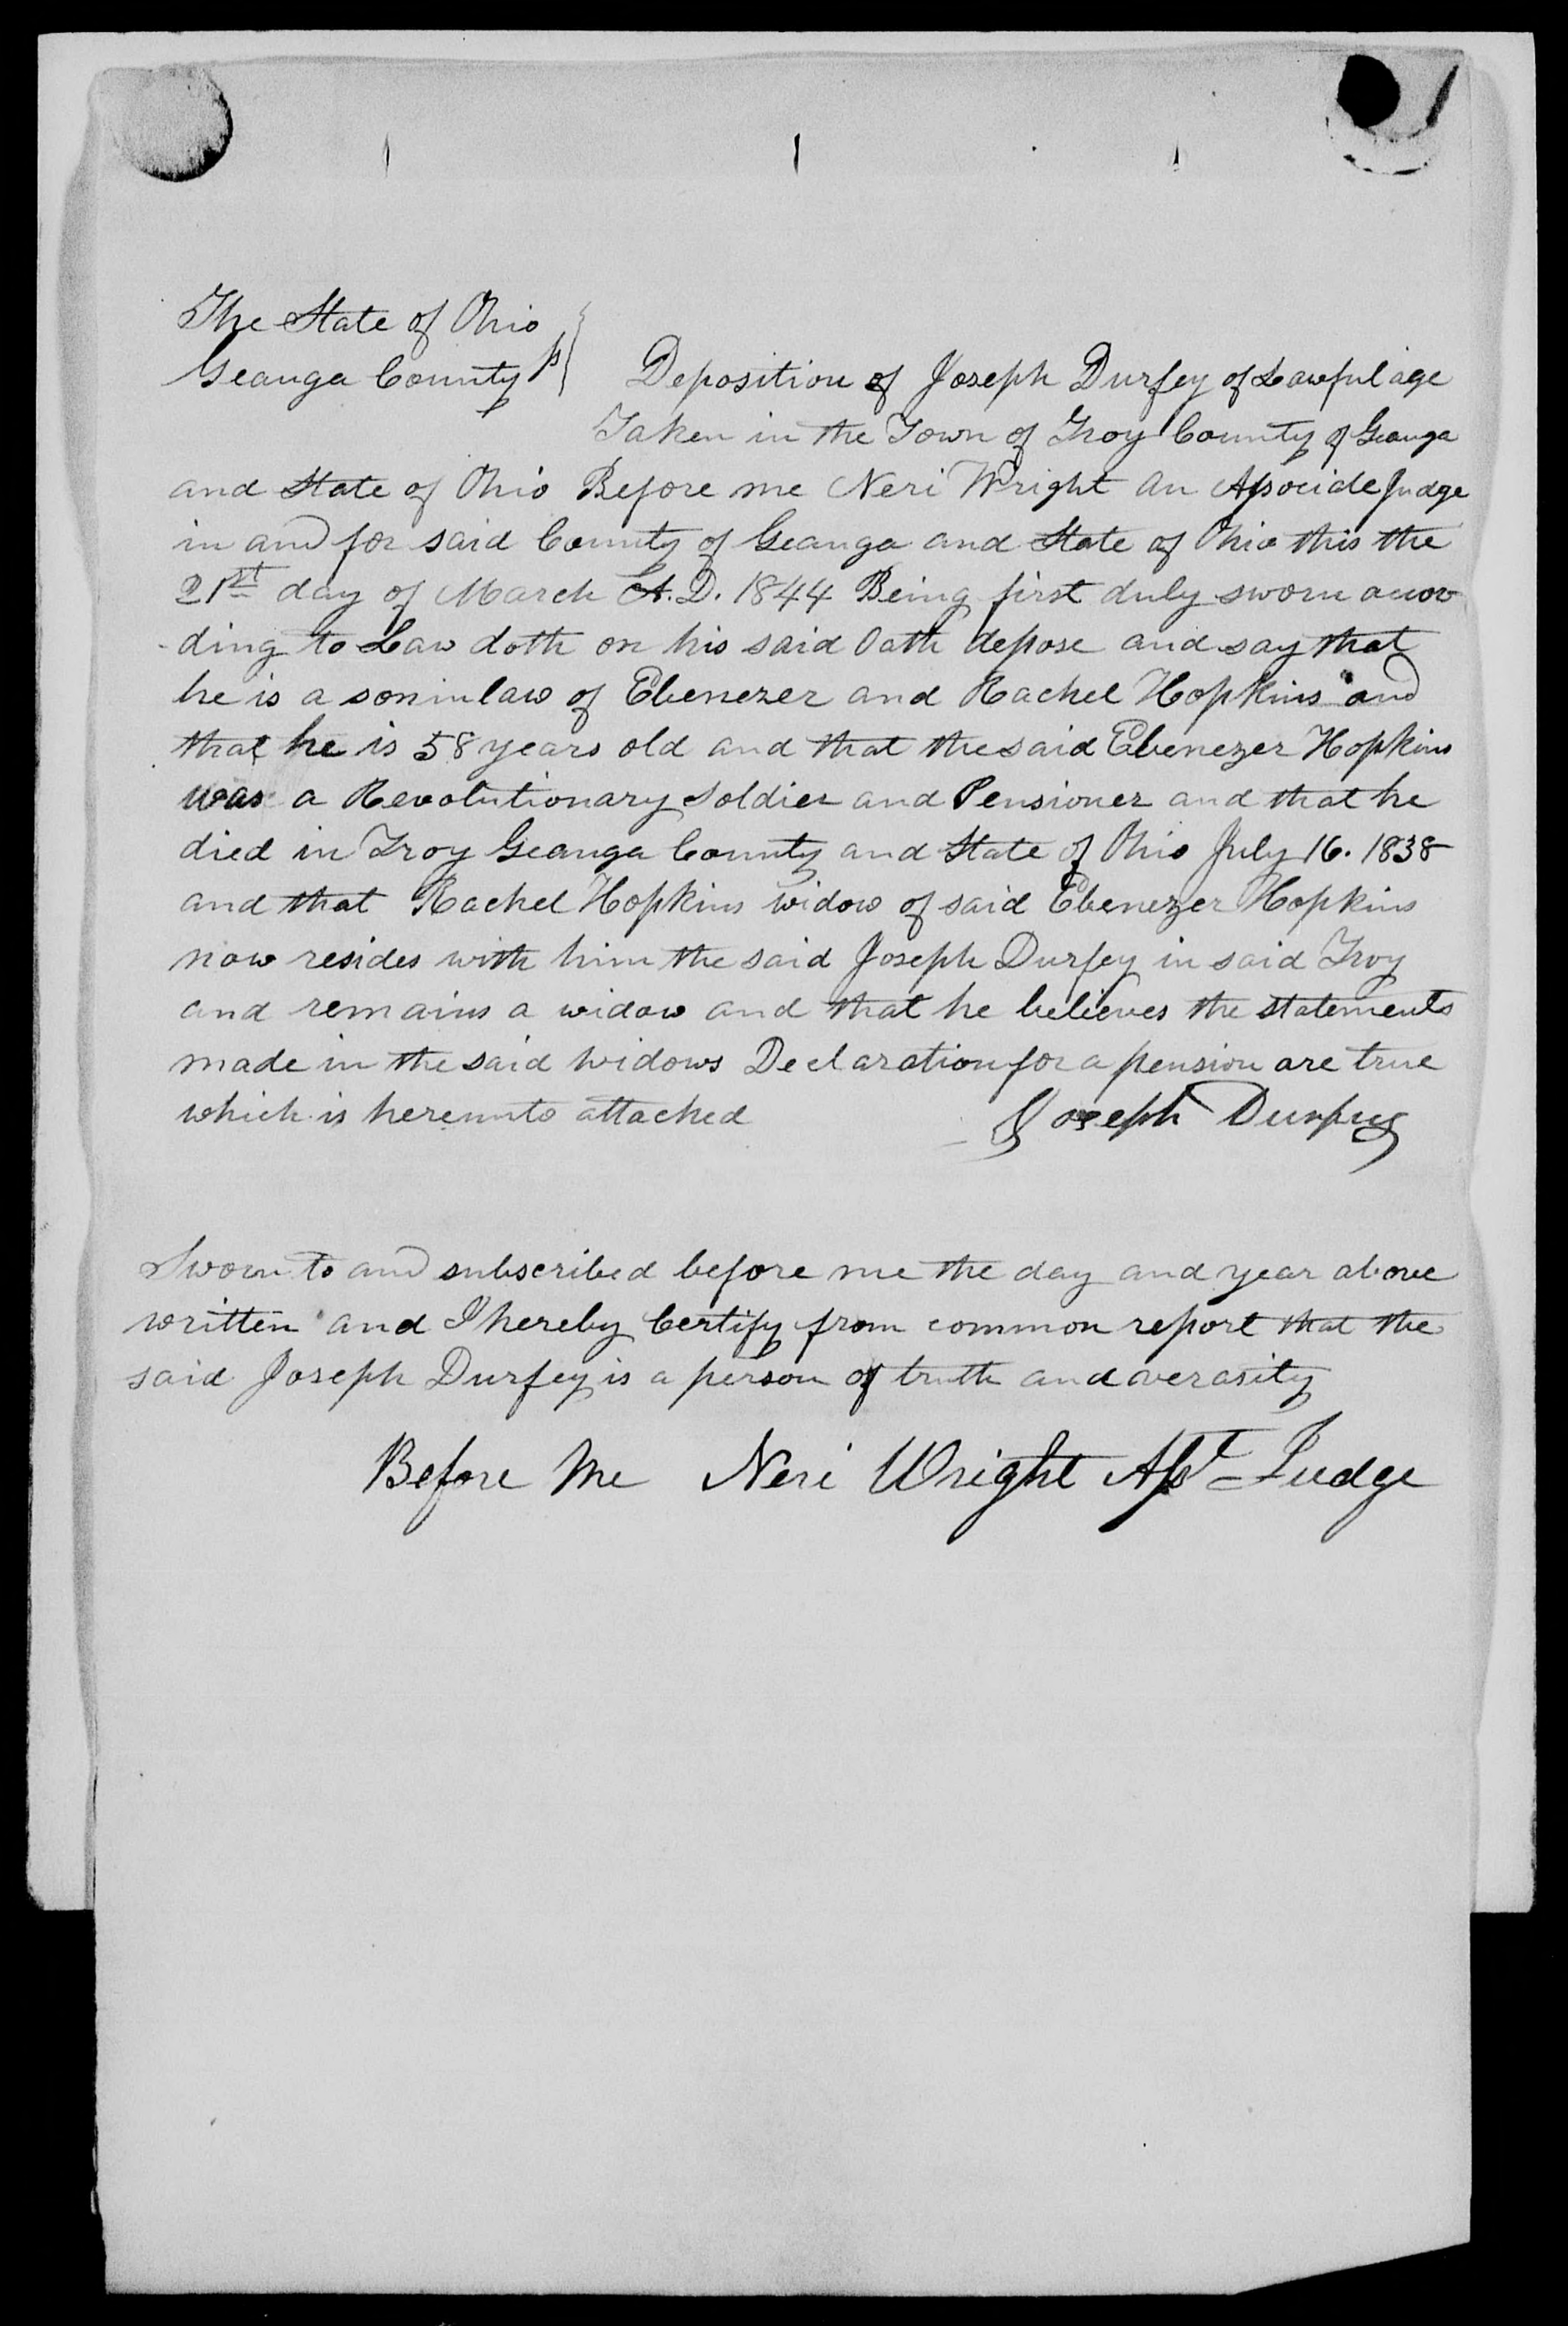The State of Ohio}
Geauga County} ss  Deposition of Joseph Durfey of Lawful age
Taken in the Town of Troy County of Geauga and State of Ohio before me Neri Wright an Associate Judge in and for said County of Geauga and State of Ohio this the 21st day of March A.D. 1844 Being first duly sworn according to Law doth on his said oath depose and say that he is a son in law of Ebenezer and Rachel Hopkins and that he is 58 years old and that the said Ebenezer Hopkins was a Revolutionary soldier and Pensioner and that he died in Troy Geauga County and State of Ohio July 16. 1838 and that Rachel Hopkins widow of said Ebenezer Hopkins now resides with him the said Joseph Durfey in said Troy and remains a widow and that he believes the statements made in the said Widows Declaration for a pension are true which is hereunto attached
Joseph Dumfrees
Sworn to and subscribed before me the day and year above
written and I hereby certify from common report that the said Joseph Durfey is a person of truth and verasity
Before me Neri Wright Asst Judge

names: Neri Wright, Ebenezer Hopkins, Rachel Hopkins, Joseph Durfey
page: 122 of 144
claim: rejected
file: R. 5208, Dennis Hopkins, N.C.